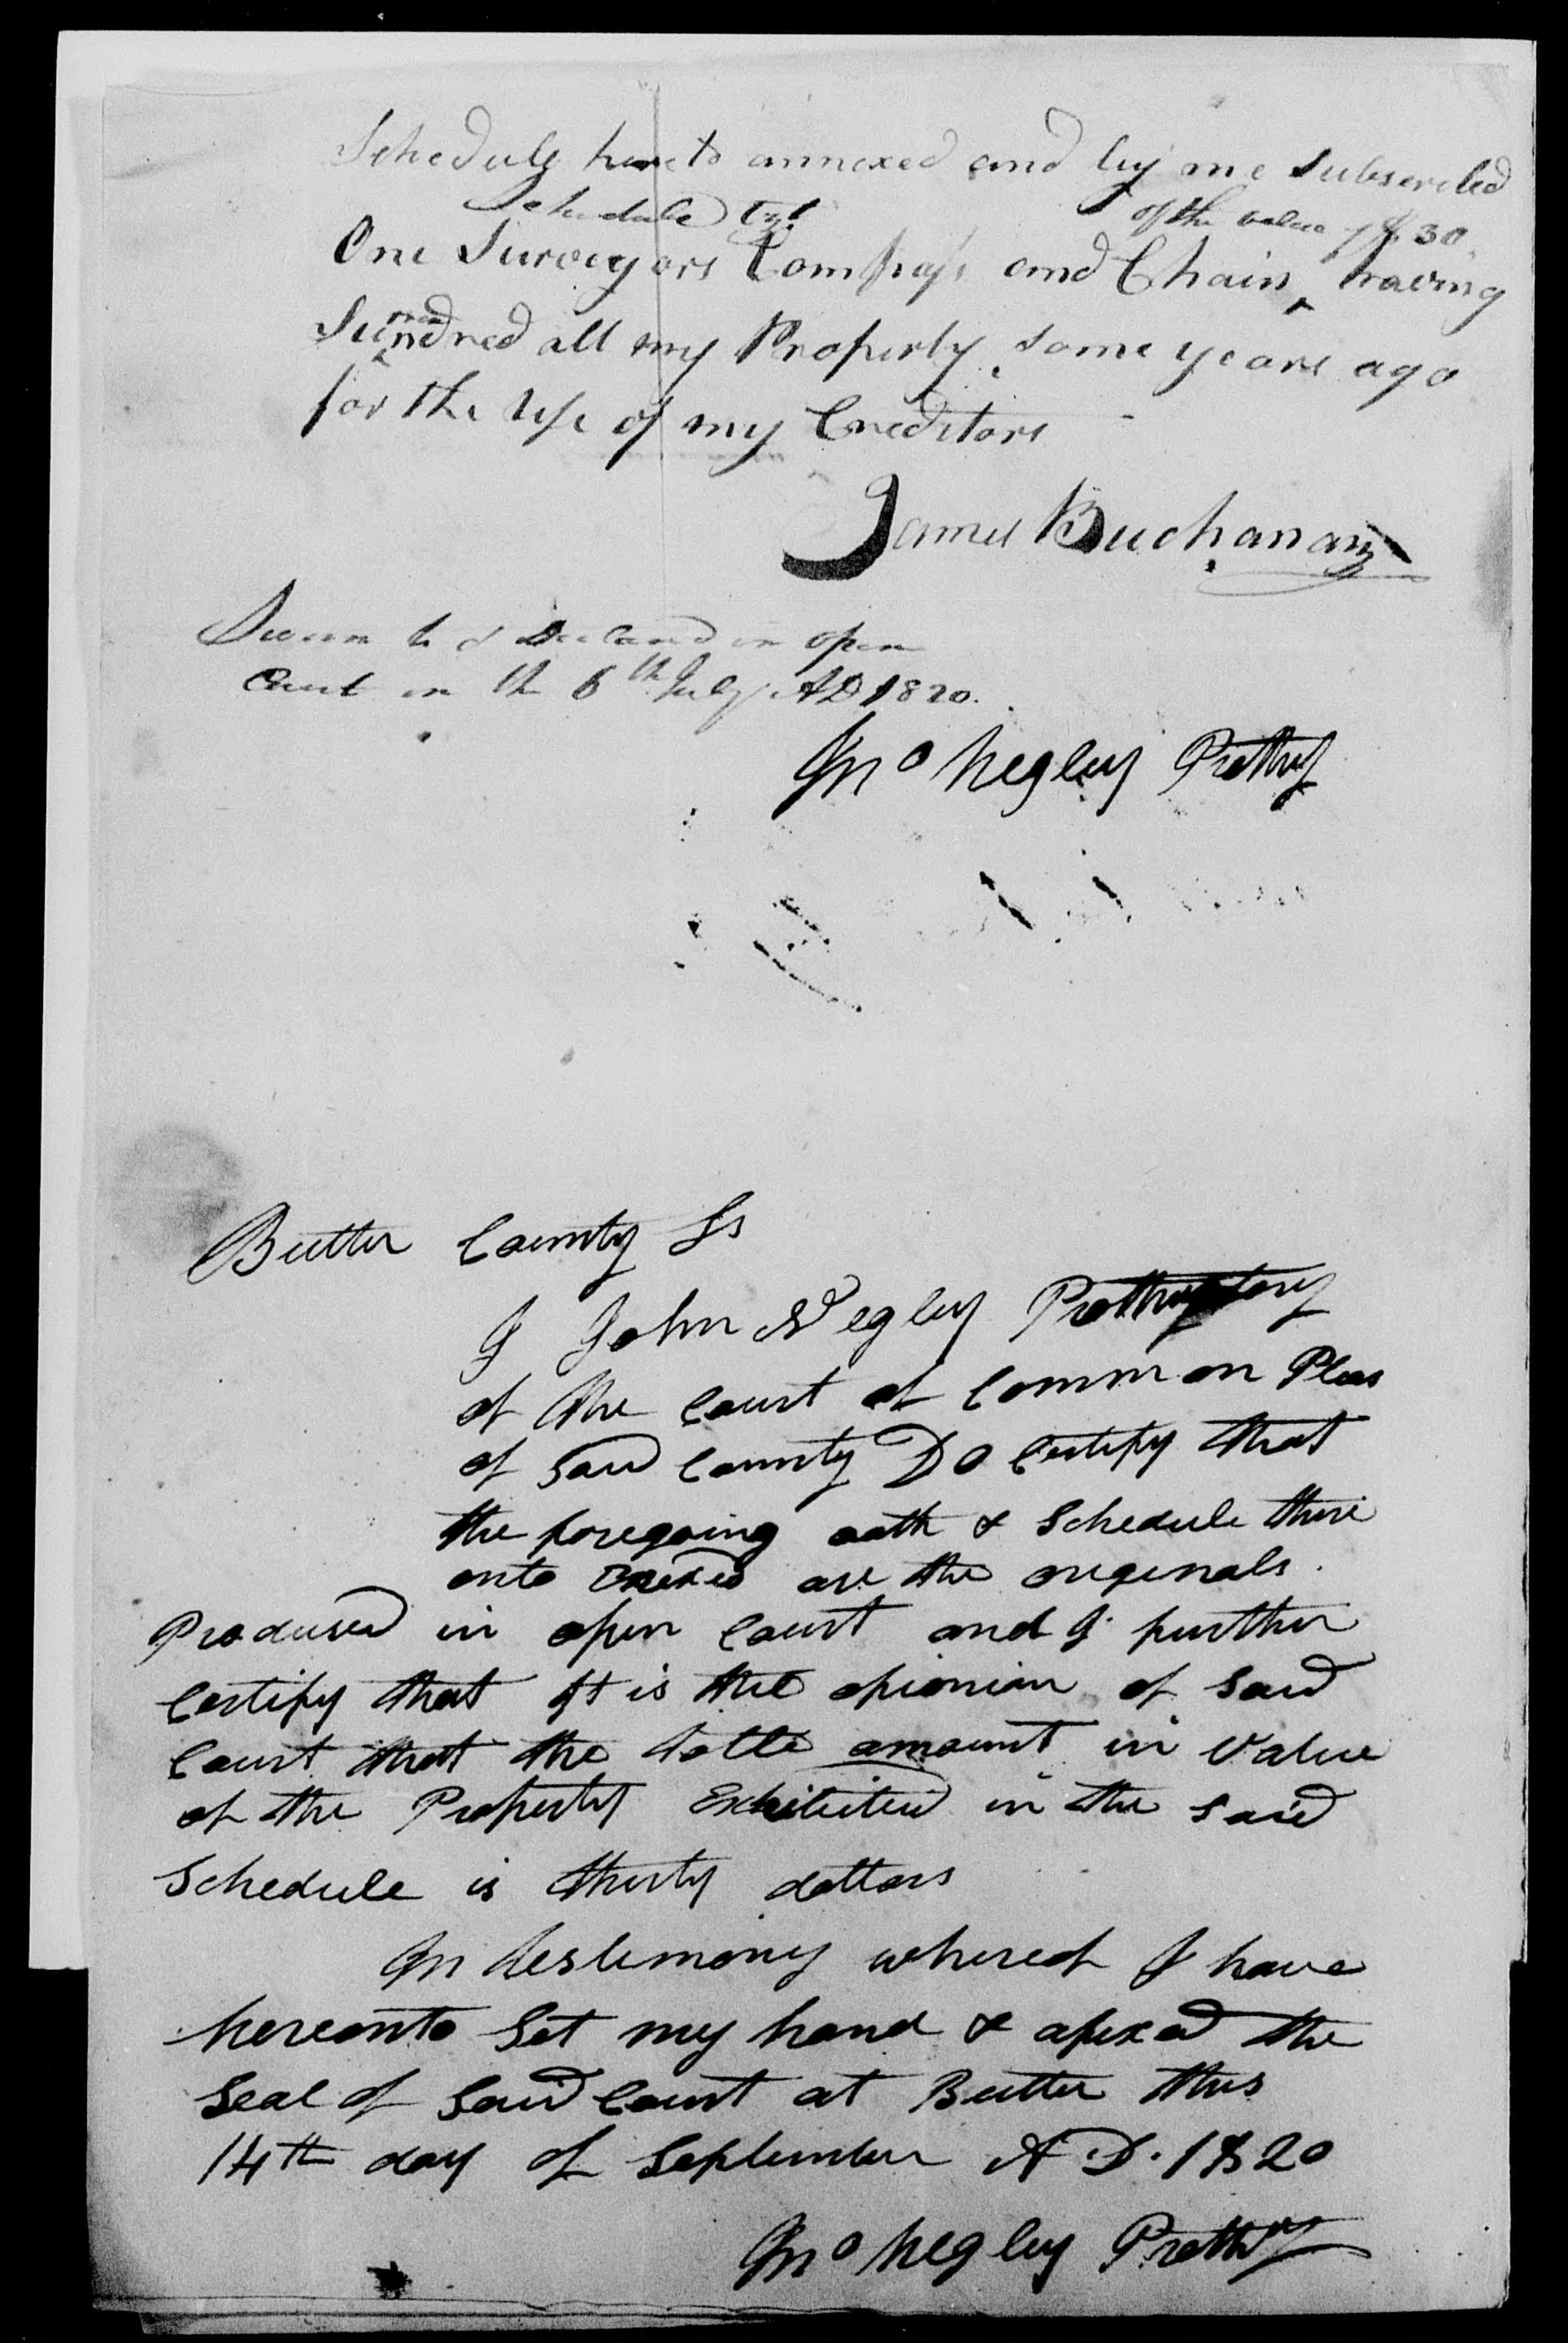Schedule hereto annexed and by me subscribed schedule (unintelligible) of the value of $30.
One surveying Compass and of the value of $30 having sold all my property some years ago for the life of any creditors.

                                        //s//
                             James Buchanon

Sworn to and declared in open
court on the 6th July AD 1820

                                        //s//
                              John Negley Prothonotary

Butler County ss

    I John Negley Prothonotary of the court of common pleas of said county do certify that the foregoing oath & schedule there onto  annexed are the originals provided in open court and I further certify that it is the opinion of said court that the stated amount in value of the property exhibited in the said schedule is thirty dollars.
    In testimony whereof I have here onto set my hand and affixed the seal of said court at Butler this 14th day of September A.D. 1820

                                           //s//
                                    Jn Negley Prothonotary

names: Jno Negley, Jno Negley, John Negley, James Buchanan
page: 7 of 15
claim: survivor's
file: S. 40,765, James Buchanan, Pa.